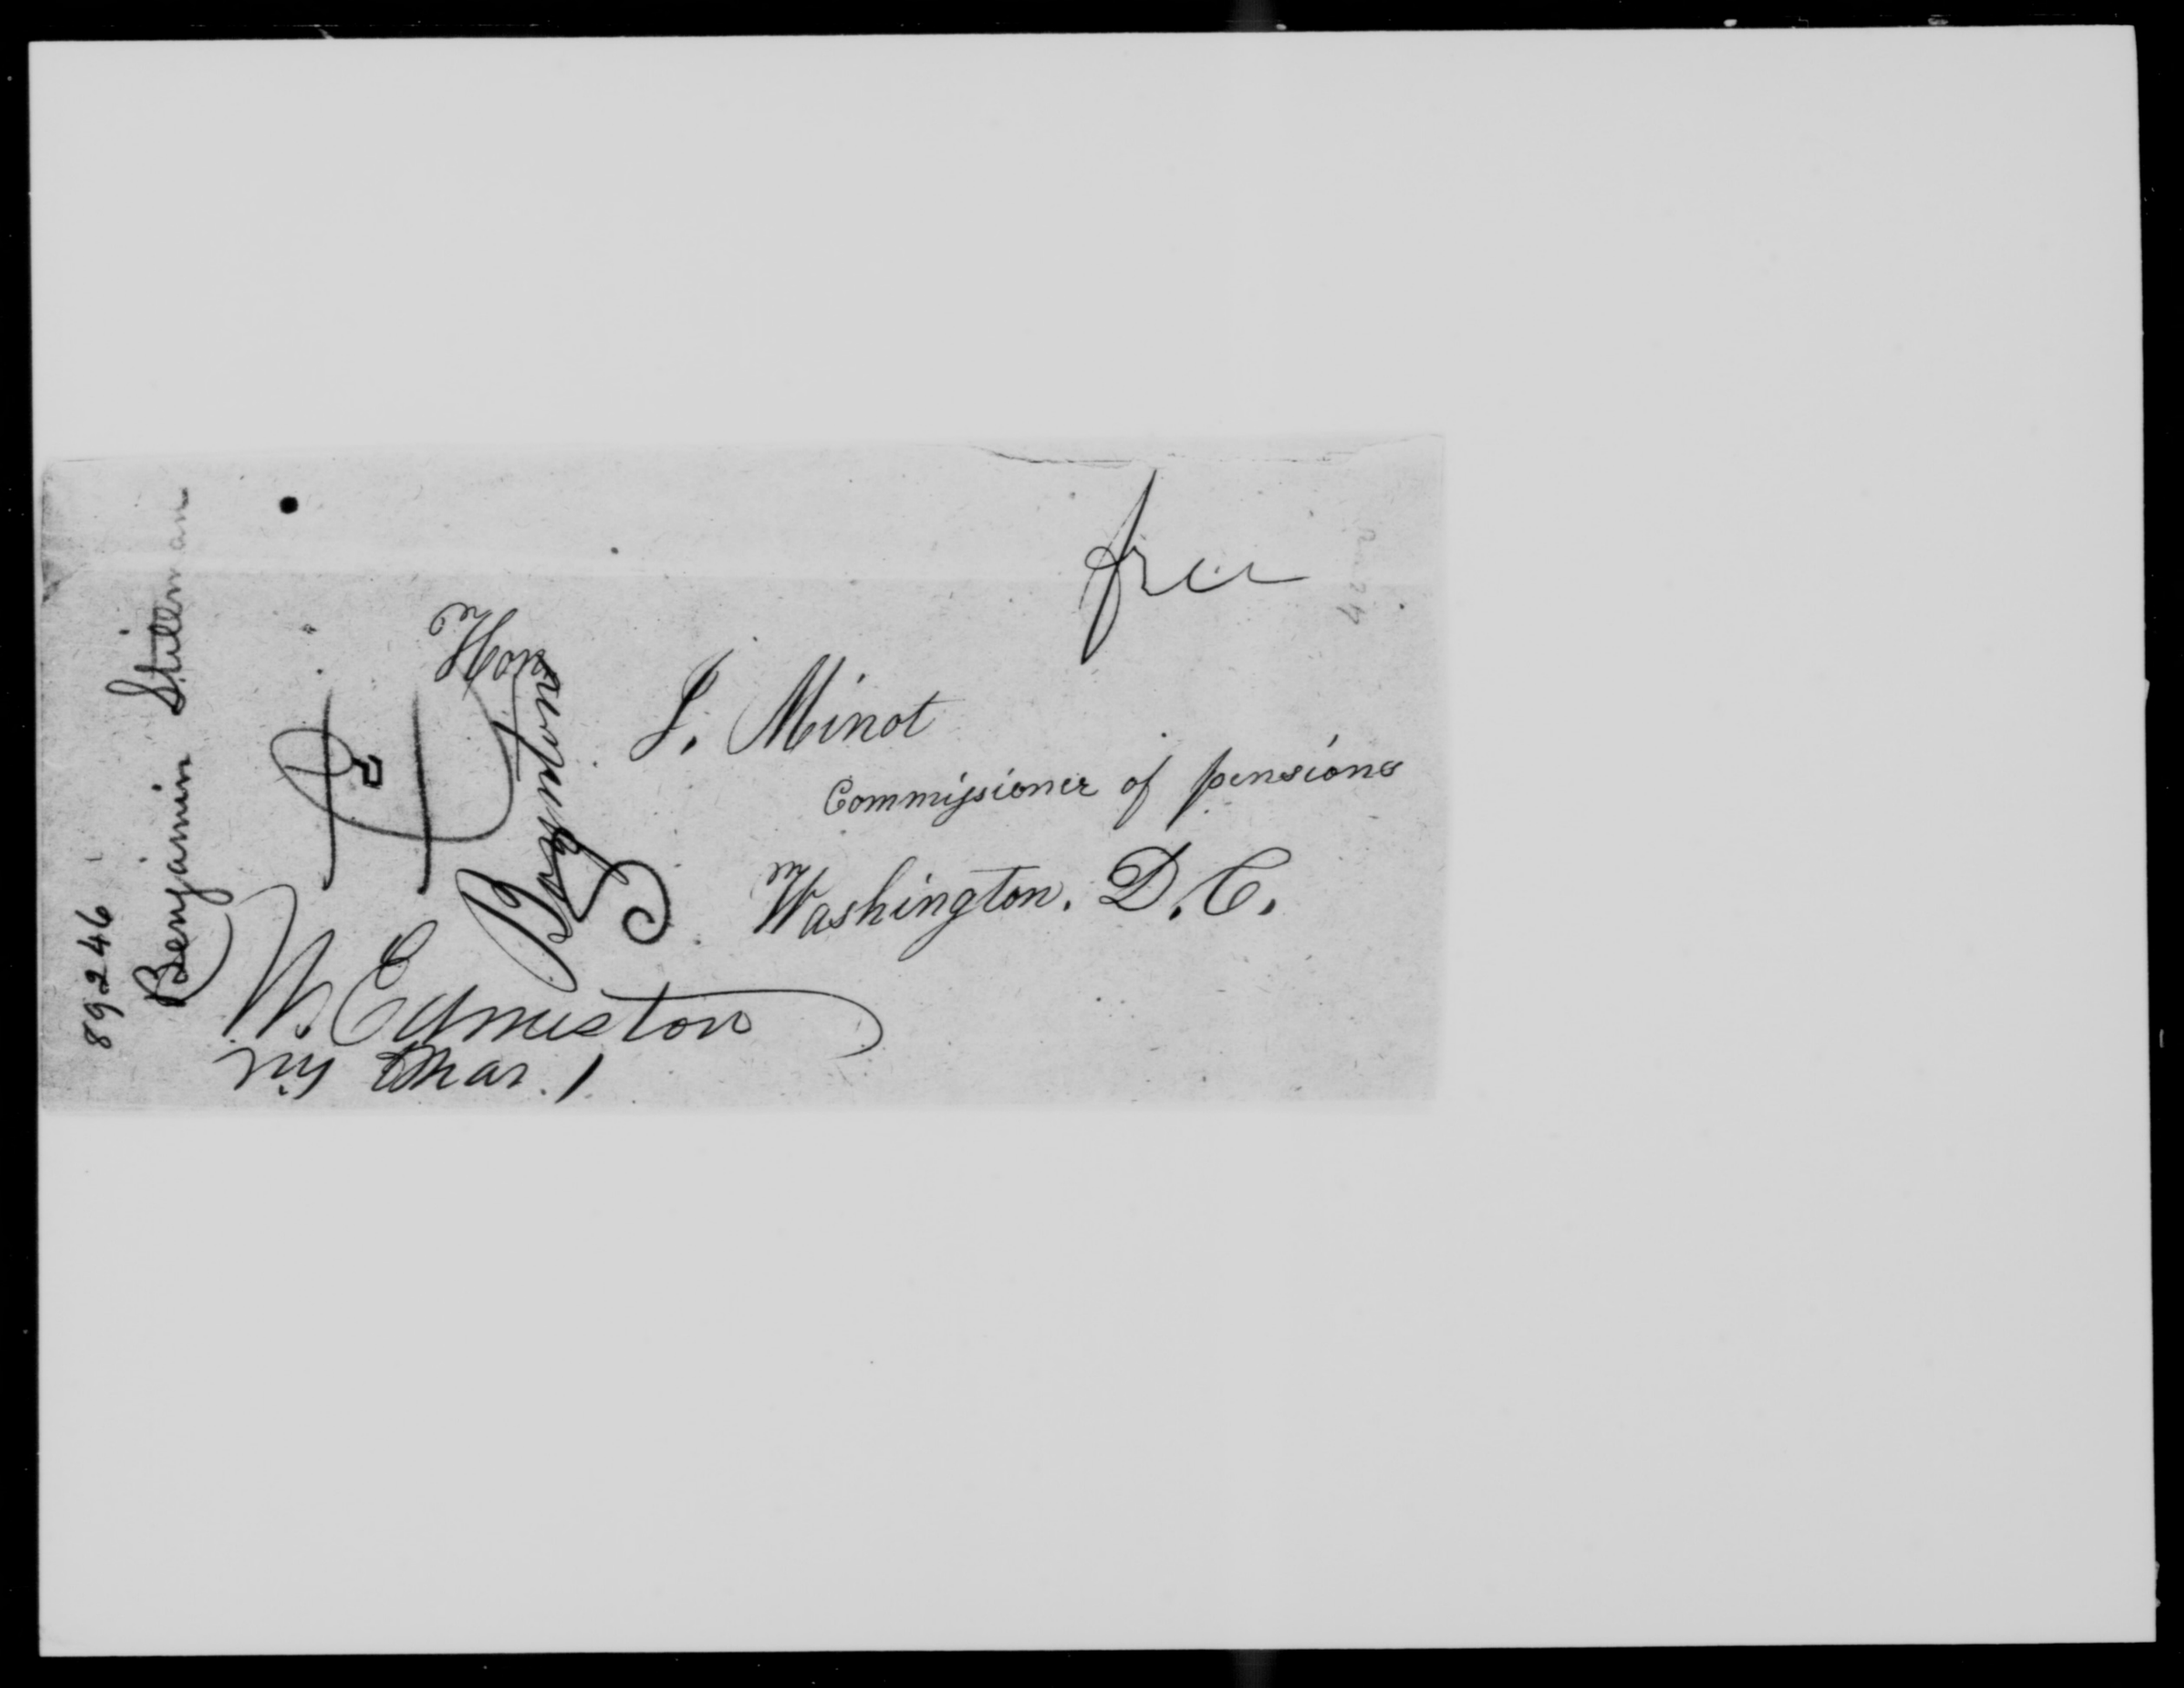[top left corner] free

Hon. J. Minot
Commissioner of pensions
Washington. D.C. 

W. Edemeston
N.Y. Mar 1

[left side vertical]
89246
Benjamin Stillman
[C with two lines through it]
Boynton
S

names: Benjamin Stillman; J Minot; W Edmeston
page: 15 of 29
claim: bounty land warrant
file: B.L.Wt.47987-160-55, for Benjamin Stillman, Rhode Island